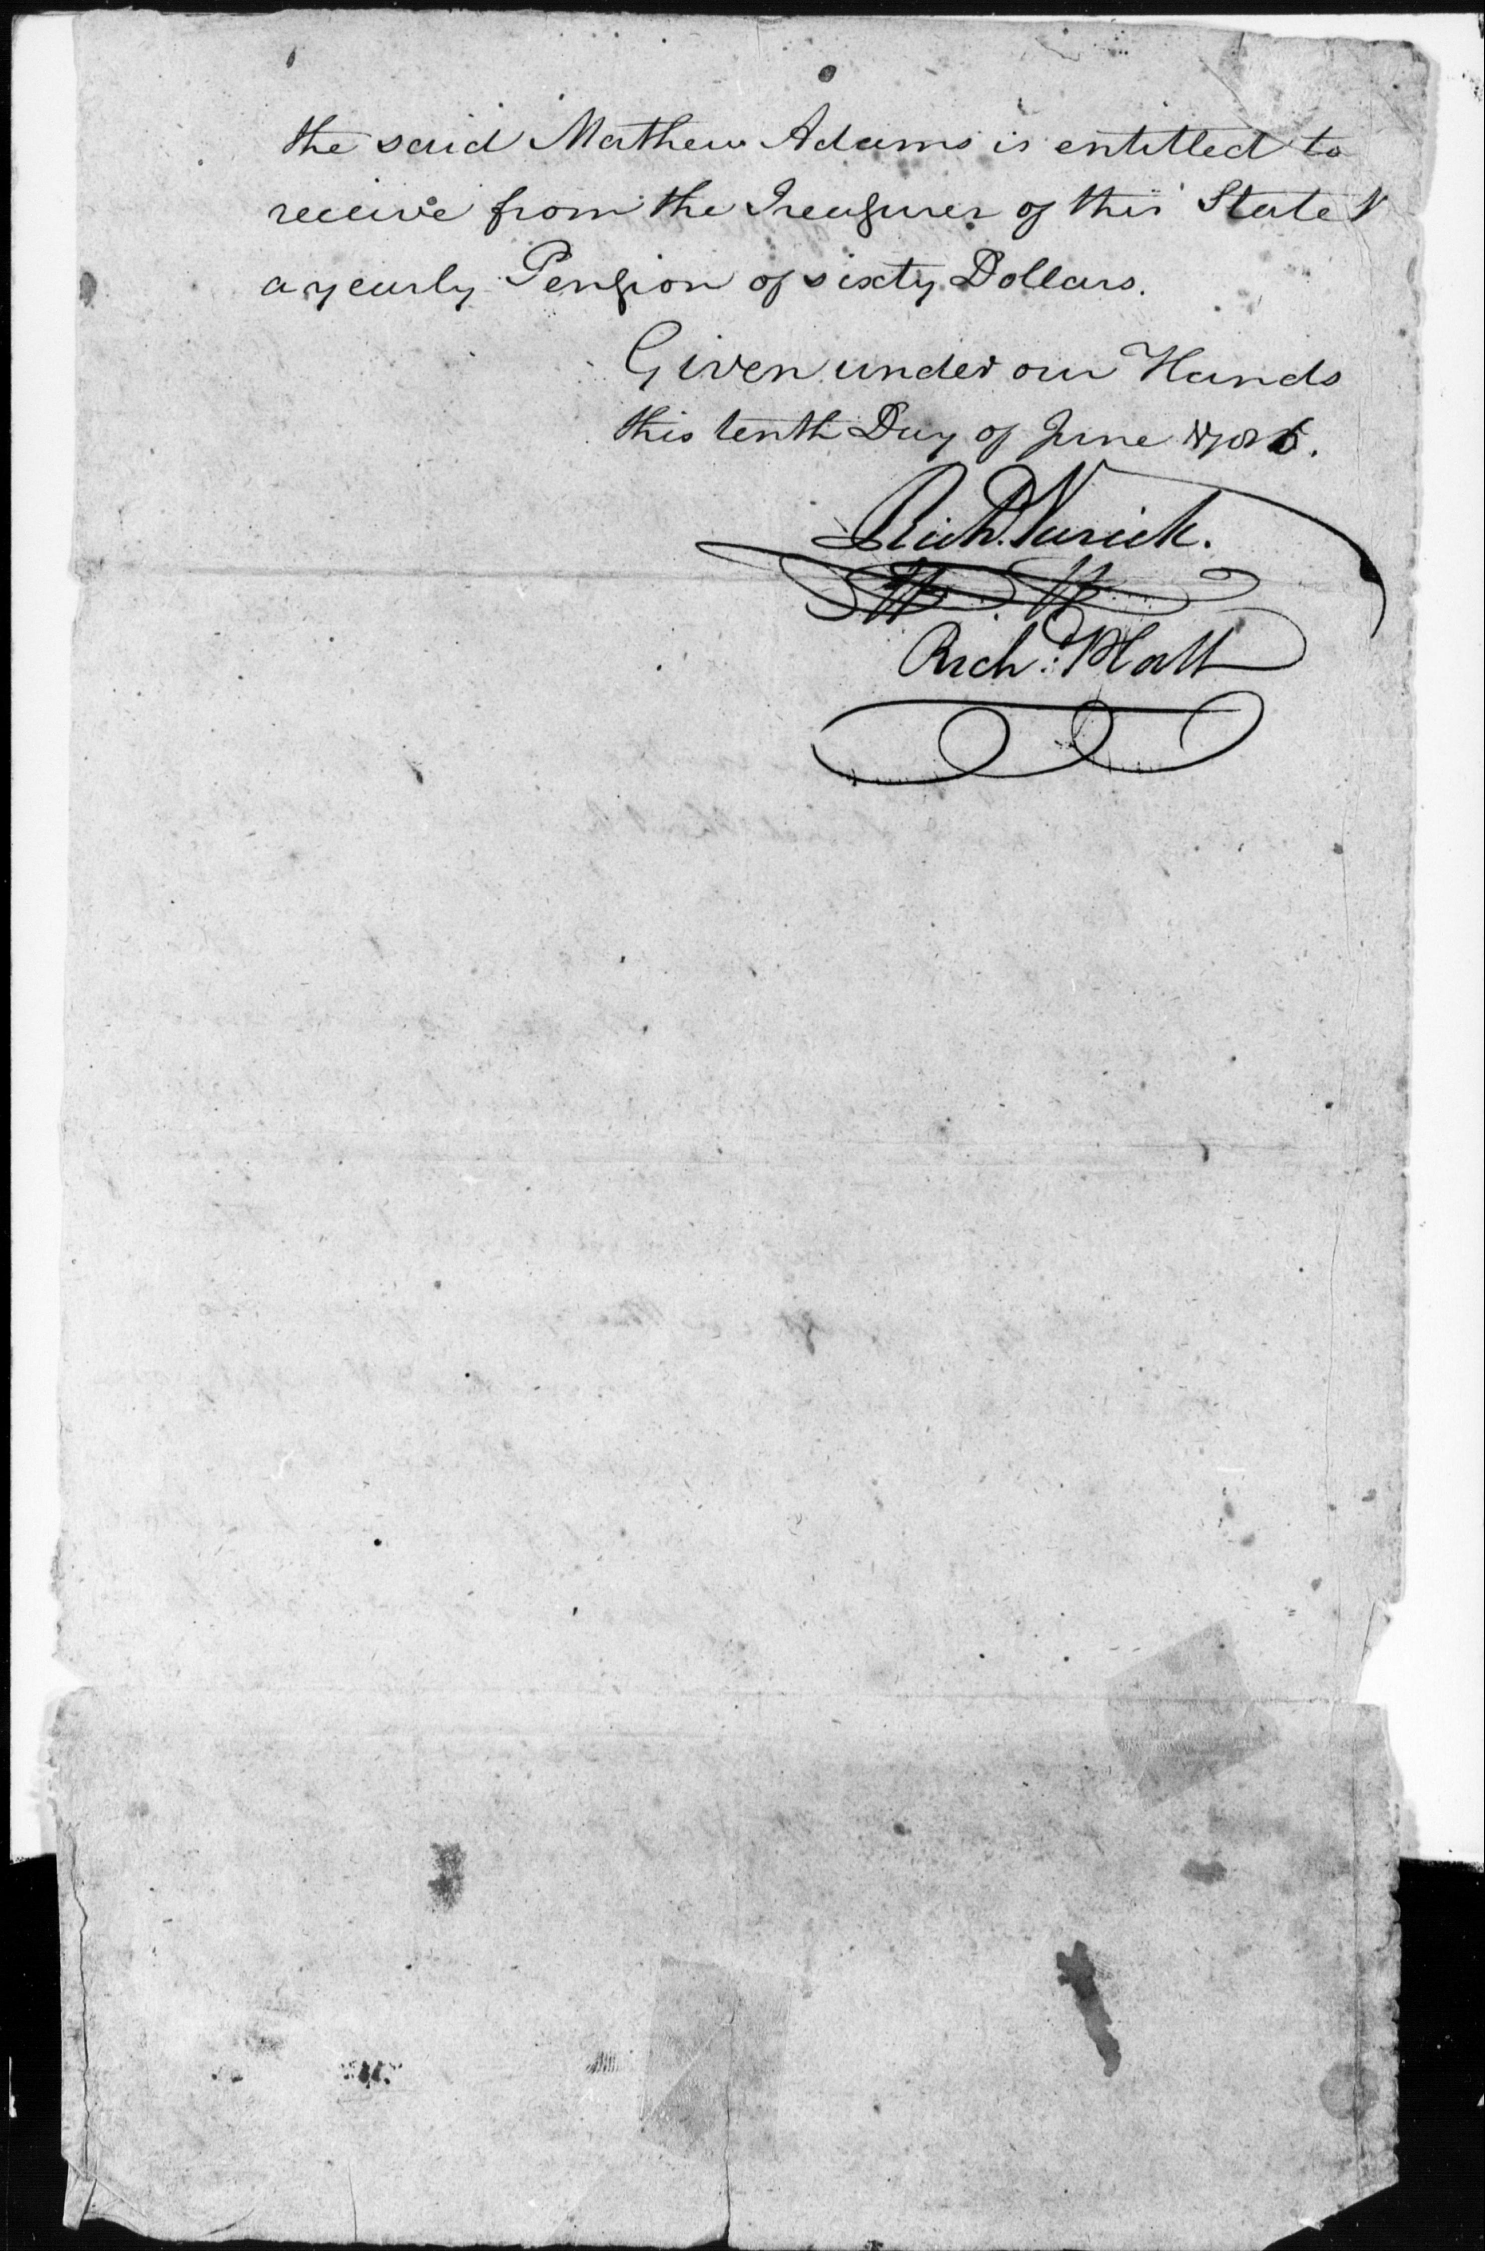the said Mathew Adams is entitled to receive from the Treasurer of this State a yearly Pension of sixty Dollars 

Given under our Hands this tenth Day of June 1786

Signature of
Rich Hurick
Rich Platt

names: Richd Platt, Richd Varick, Mathew Adams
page: 4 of 13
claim: survivor's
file: S. 28,212, Mathew Adams, New York